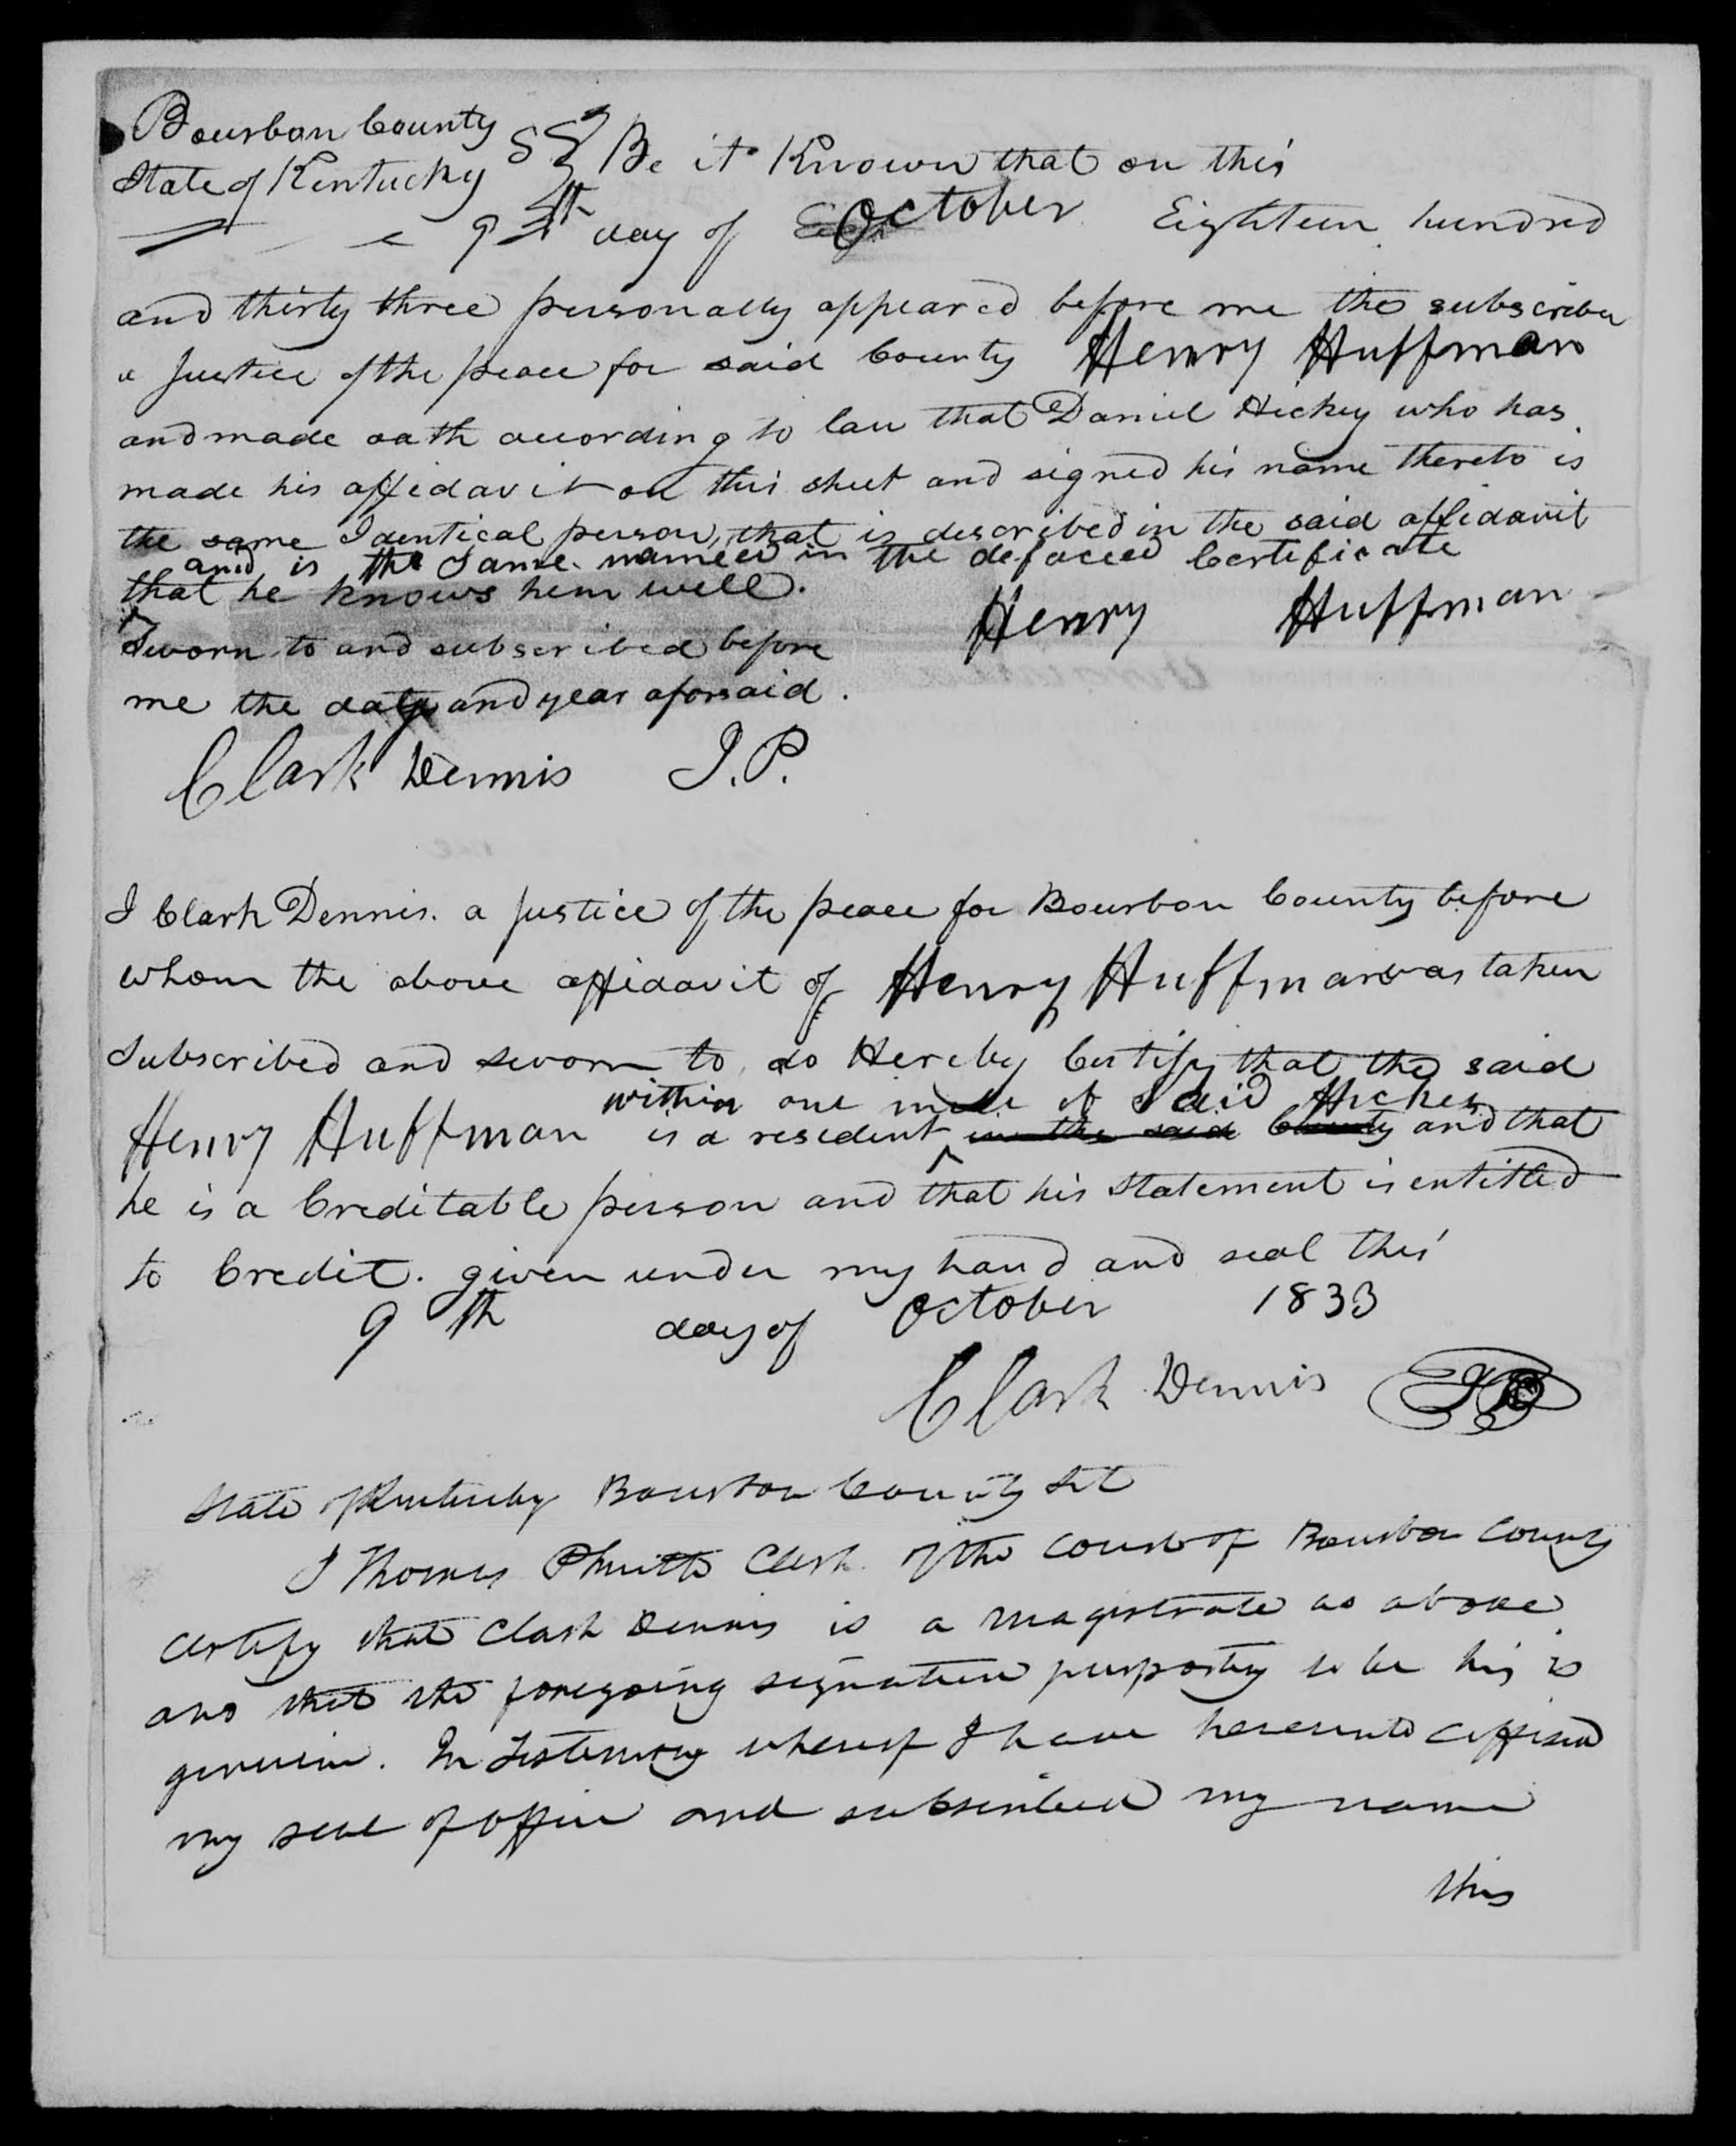Bourbon County
State of Kentucky
Be it Known that on this
9th day of October Eighteen hundred and thirty three personally appeared before me the subscriber a Justice of the peace for said County Henry Huffman and made oath according to law that Daniel Hickey who has
made his affidavit on this sheet and signed his name thereto is the same Identical person, that is described in the said affidavit and is the same named in the defaced Certificate
that he knows him well.
Henry Huffman
Sworn to and subscribed before me the day and year aforesaid
Clark Dennis J. P.
I Clark Dennis, a Justice of the peace for Bourbon County before whom the above affidavit of Henry Huffman was taken
subscribed and sworn to do hereby certify that the said Henry Huffman is a resident ^within one mile of said Hickey ['in the said county' crossed out] and that he is a creditable person and that his statement is entitled
to credit. Given under my hand and seal this
9th day of October 1833
Clark Dennis JP
State of Kentucky Bourbon County Sct
I Thomas Smith Clerk of the Court of Bourbon County certify that Clark Dennis is a magistrate as above and that the foregoing signature purporting to be his genuine. In Testimony whereof I have hereunto affixed my seal of office and subscribed my name
this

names: Clark Dennis, Daniel Hickey, Henry Huffman, Henry Huffman, Hickey, Thomas P Smith, Henry Huffman, Clark Dennis, Clark Dennis, Clark Dennis, Henry Huffman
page: 72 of 84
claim: widow's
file: W. 7744, Daniel Hickey, Penn.